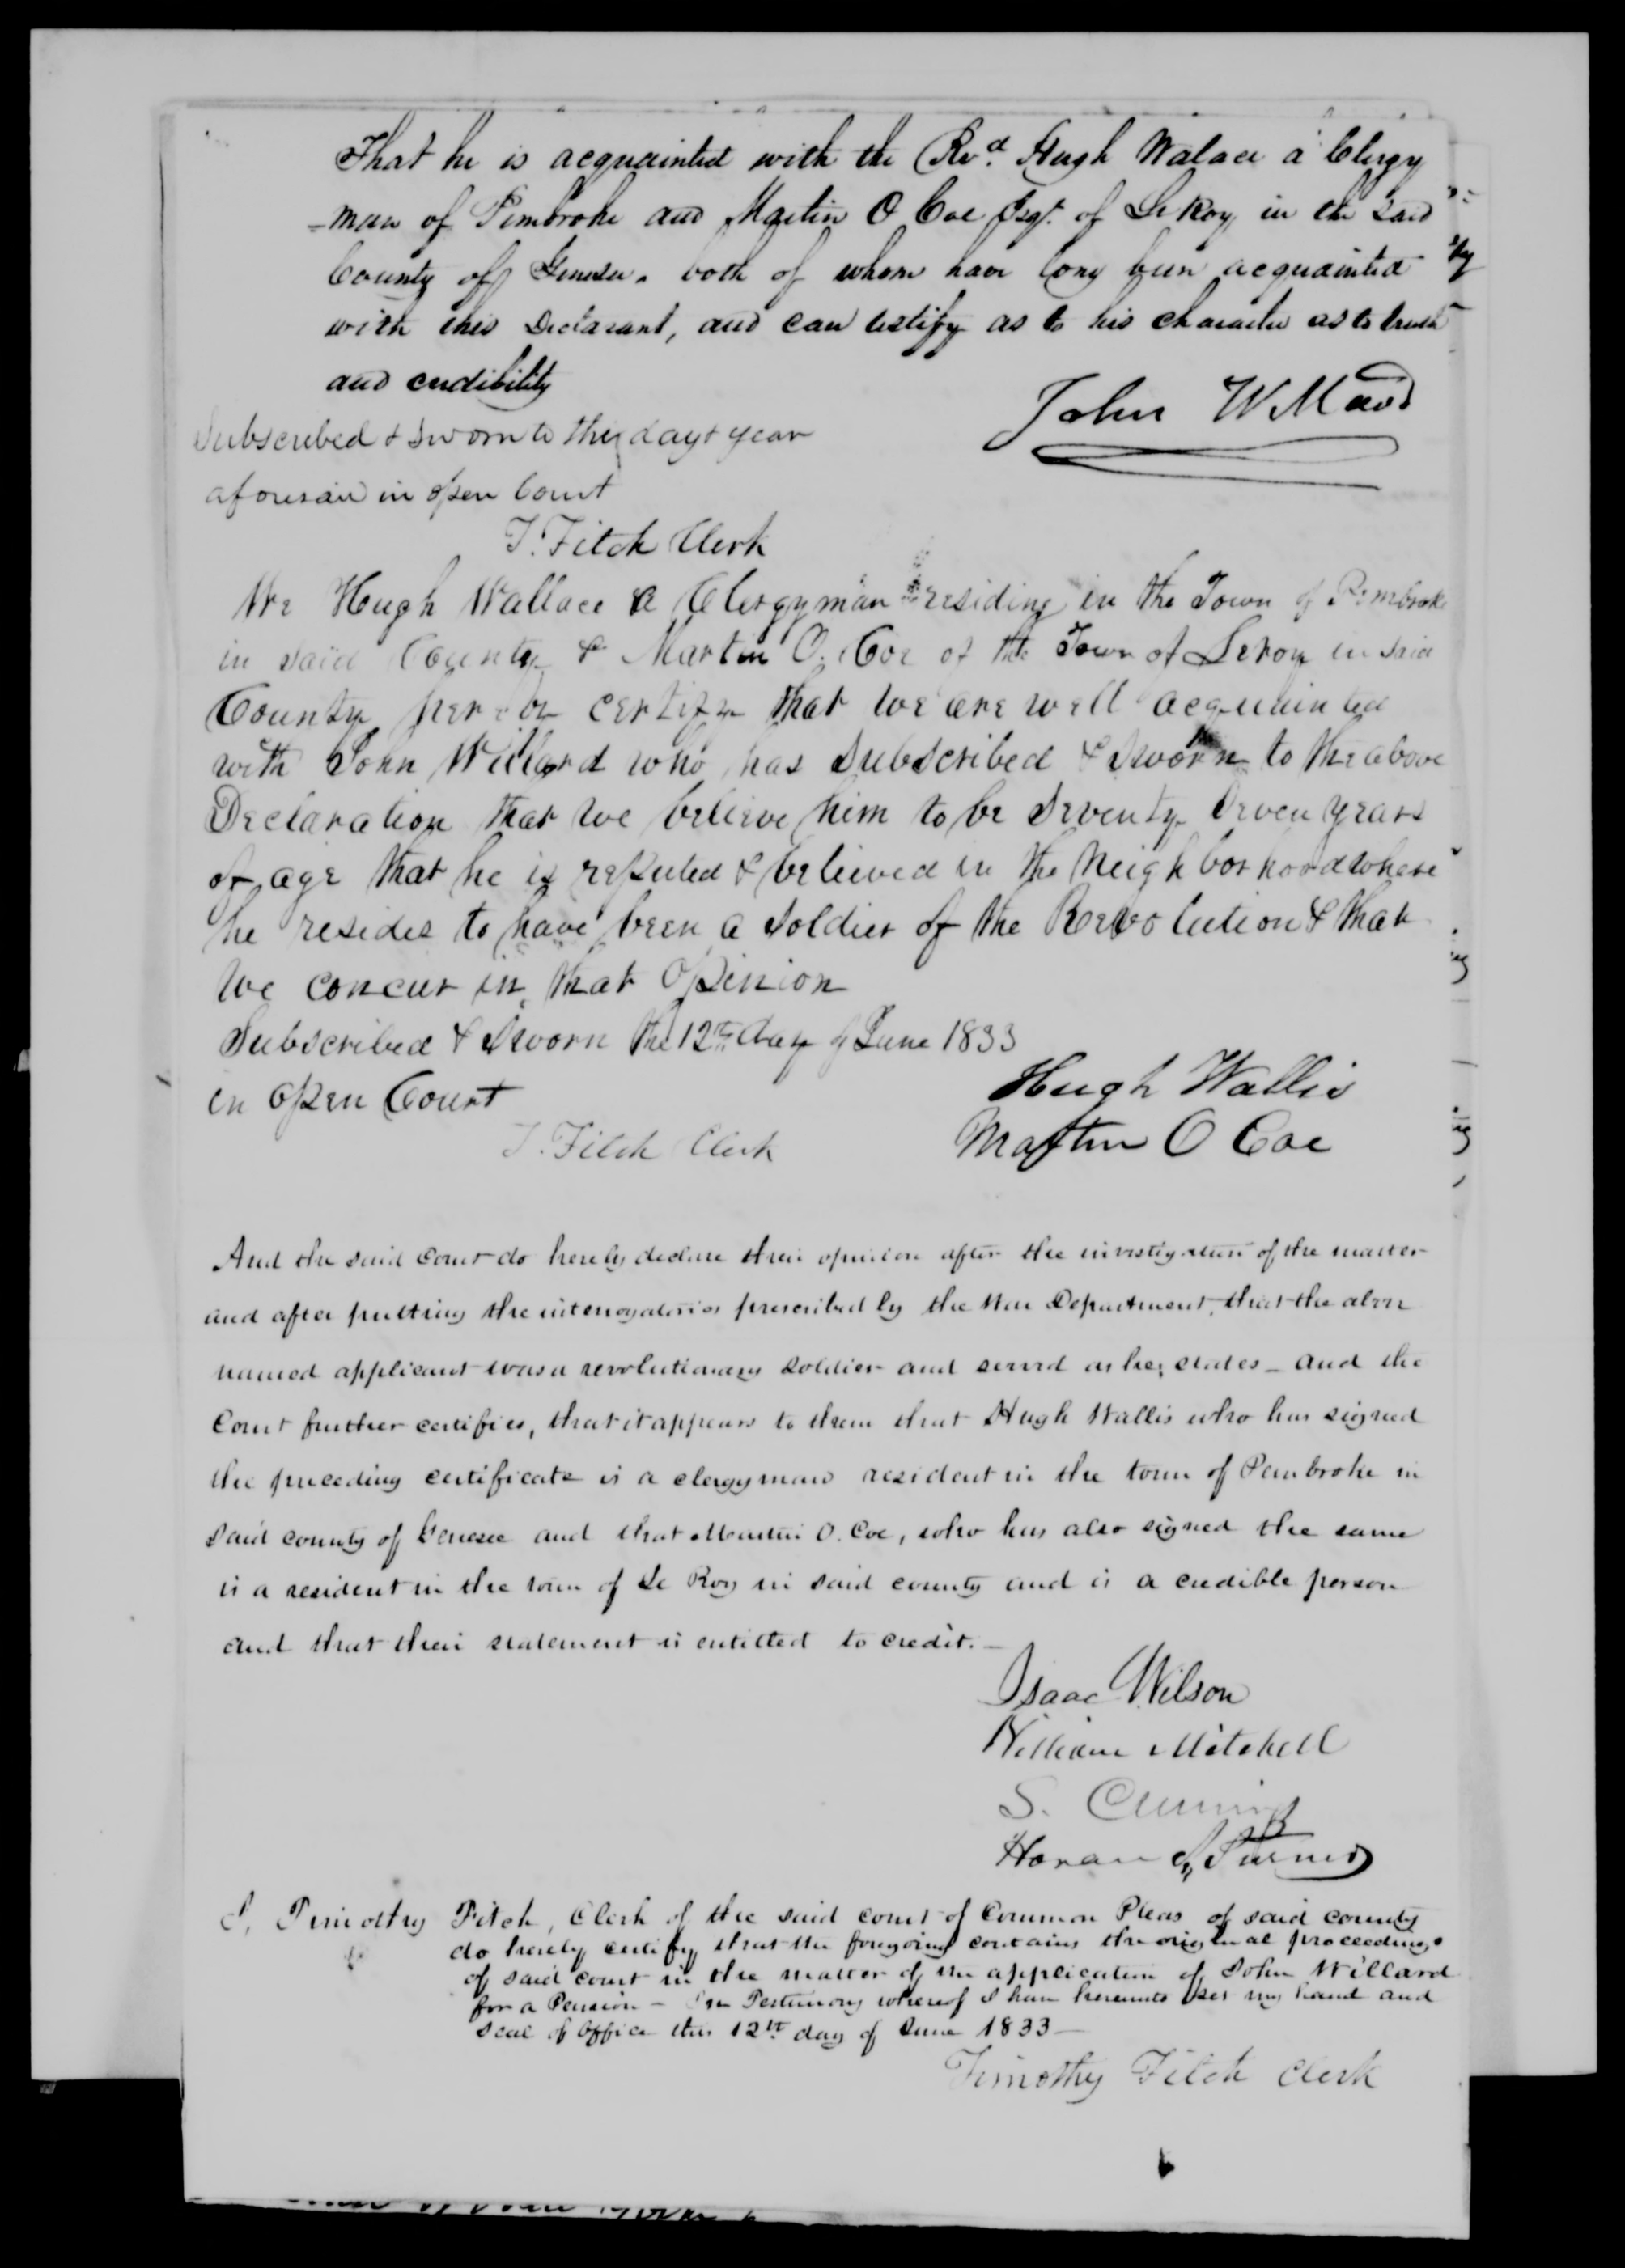That he is acquainted with the Revd Hugh Wallace a Cleryman of Pembroke and Martin O Coe of Le Roy in the said
County of Genesee both of whom have long been acquainted by
with this declarant, and can testify as to his character as to but
and credibility
John Willard
subscribed & sworn to the day & year
aforesaid in open Court
T. Fitch Clerk

We Hugh Wallace a Clergyman residing in the Town of Pembroke
in said County & Martin O. Coe of the Town of Leon in said
County hereby certify that we are well acquainted with
John Willard who has subscribed & sworn to the above
Declaration that we believe him to be Seventy Seven years
of age that he is reputed & believed in the neighborhood where
he resides to have been a soldier of the Revolution & that
we concur in that opinion
Subscribed & Sworn the 12th day of June 1833
in open Court T. Fitch Clerk
Hugh Wallis
Martin O Coe

And the said Court do hereby declare their opinion after the investigation of the matter
and after putting the interrogatories prescribed by the War Department, that the above
named applicant was a revolutionary soldier and served as he states. And the
Court further certifies, that it appears to them that Hugh Wallis who has signed
the preceding certificate is a clergyman resident in the town of Pembroke in
said County of Genesee and that Martin O Coe, who has also signed the same
is a resident in the town of Le Roy in said county and is a credible person
and that their statement is entitled to credit.
Isaac Wilson
William Mitchell
S. Cuming
Horace J Turner
---
ITimothy Fitch, Clerk of the said Court of Common Pleas of said County
do hereby certify that the foregoing contains the original proceeding
of said Court in the matter of the application of John Willard
for a Pension - In Testimony whereof I have hereunto set my hand and
seal of Office this 12th day of June 1833-
Timothy Fitch Clerk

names: William Mitchell, S Cumins, Martin O Coe, John Willard, Horace J Turner, Isaac Wilson, Hugh Walace, T Fitch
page: 10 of 18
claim: survivor's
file: S. 11848, John Willard, N. H.